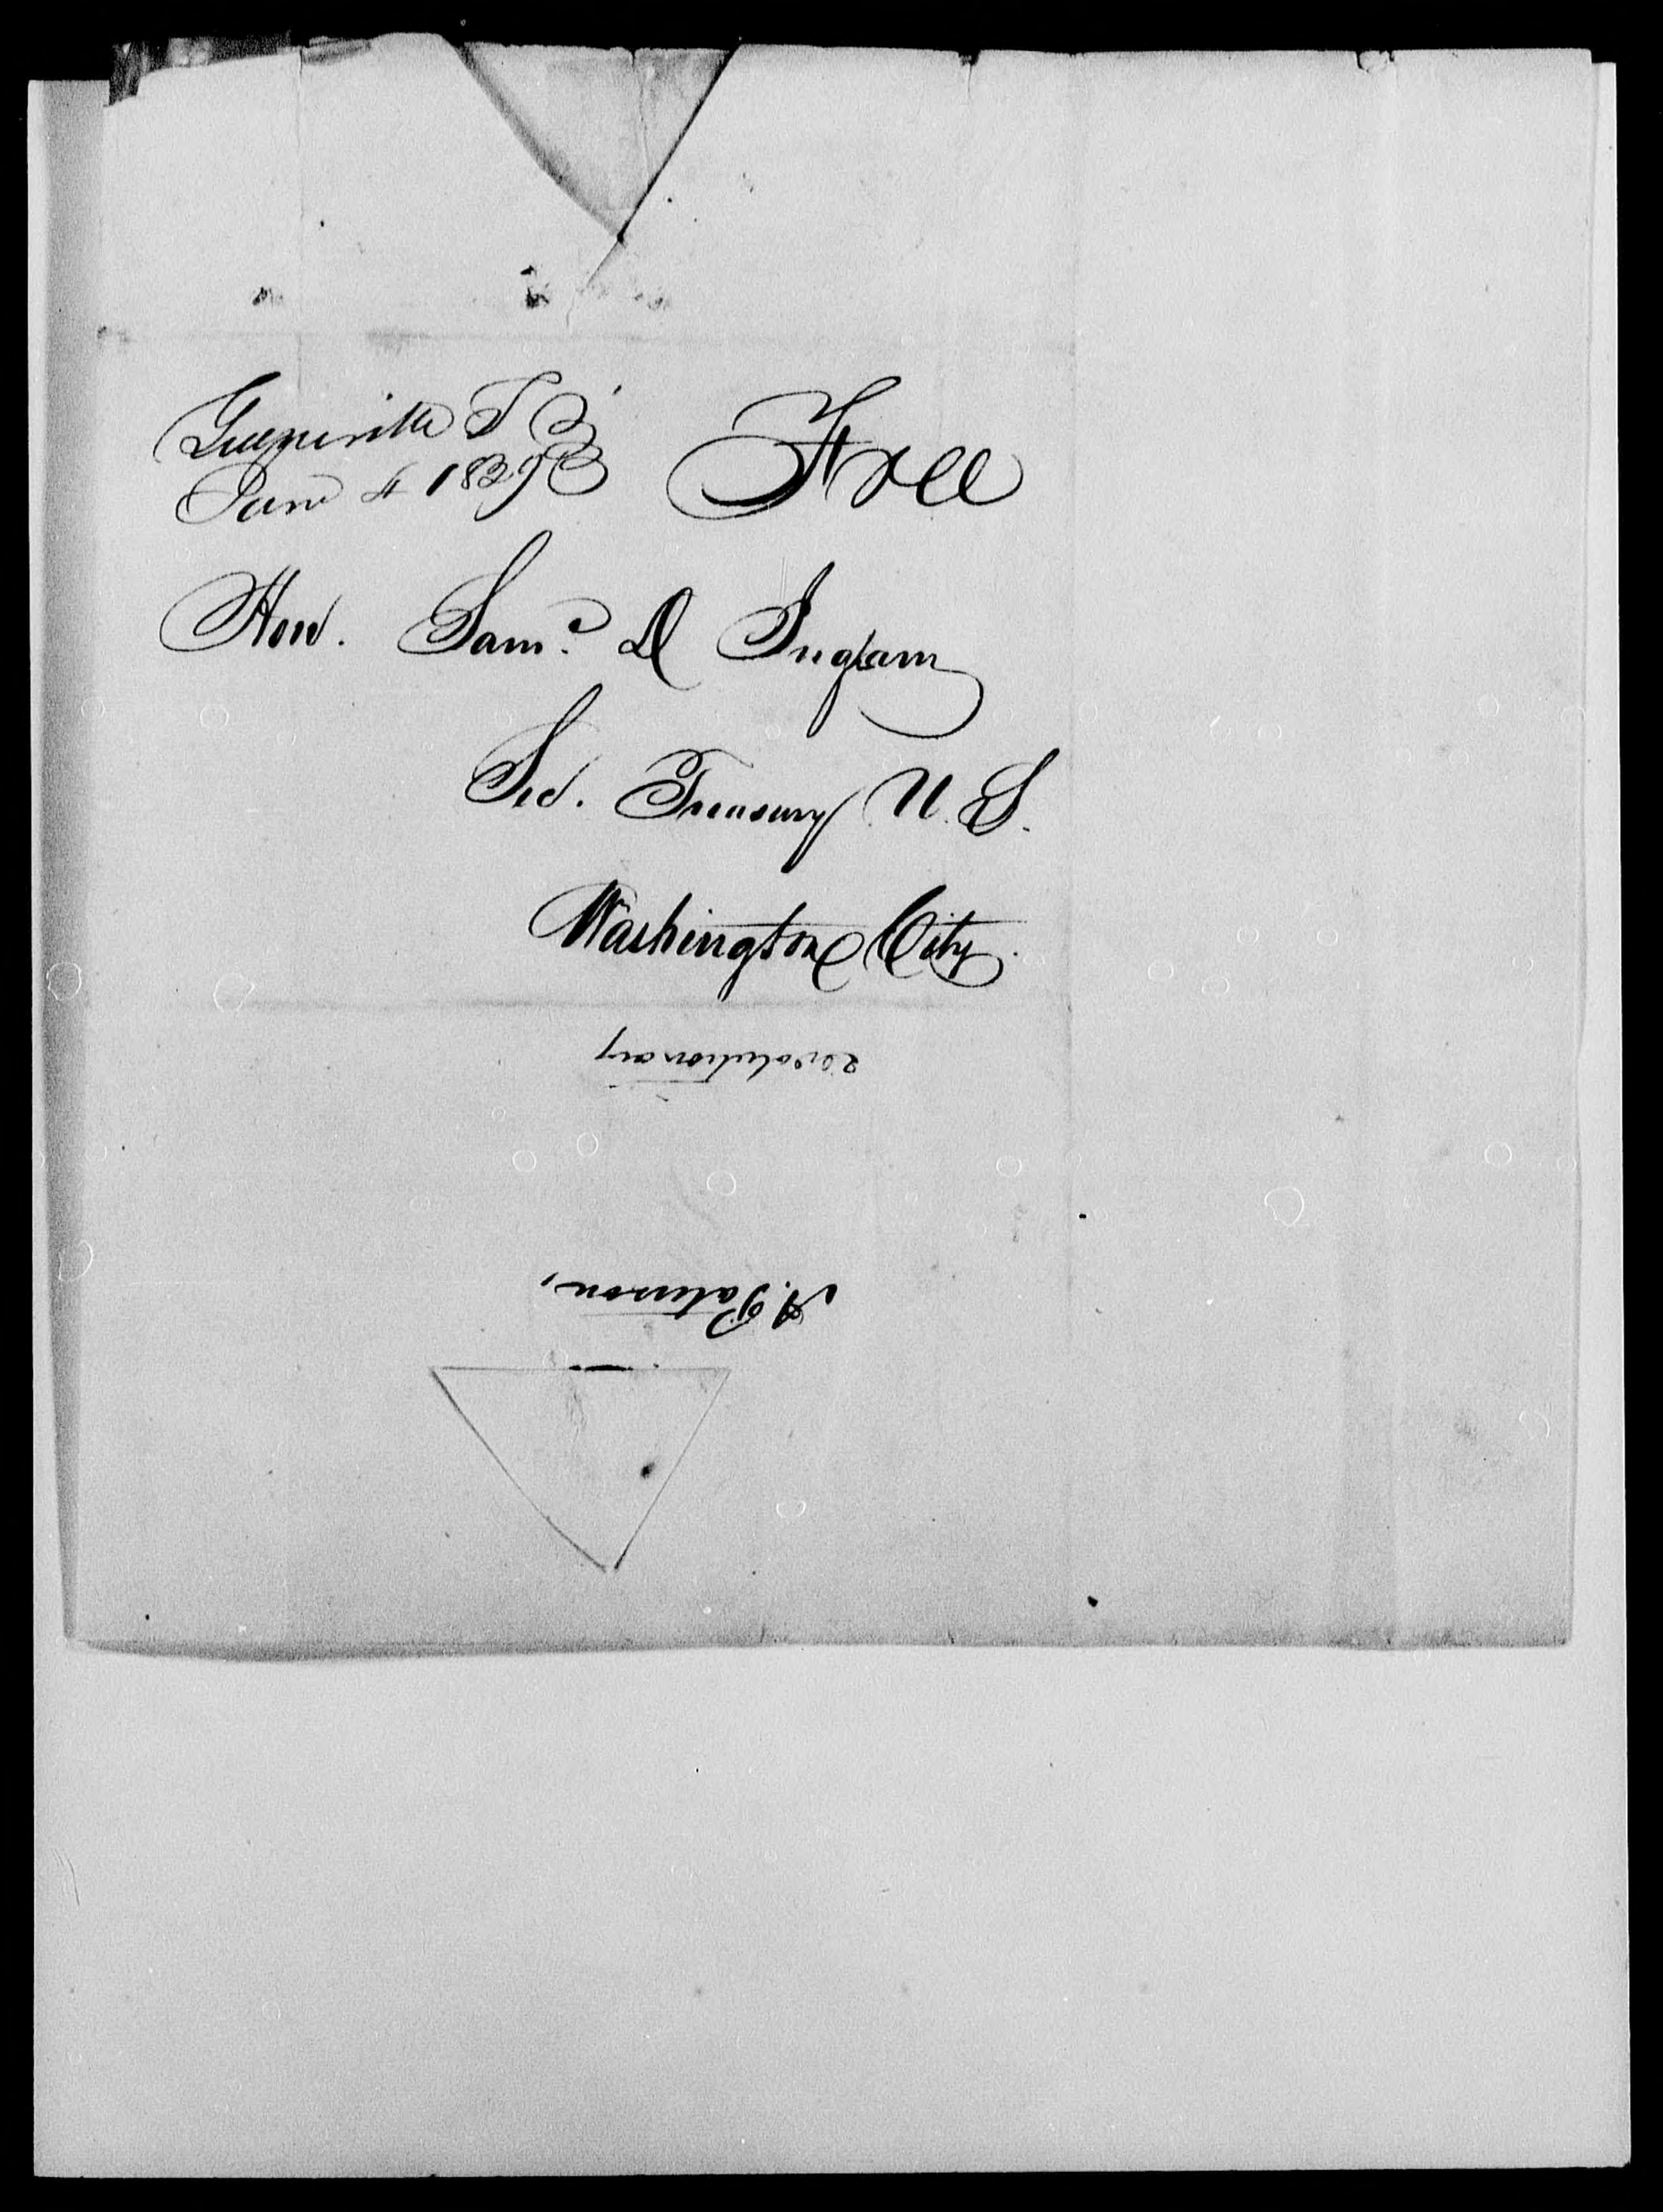Greenville T}
June 4 1839}
Free

Hon. Saml D Ingram
Sec. Treasury U. S.
Washington City

(written upside down)
Revolutionary
A. Patterson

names: A Paterson, Saml D Ingram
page: 20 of 47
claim: survivor's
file: S. 3102, Frederick Burket, Va.